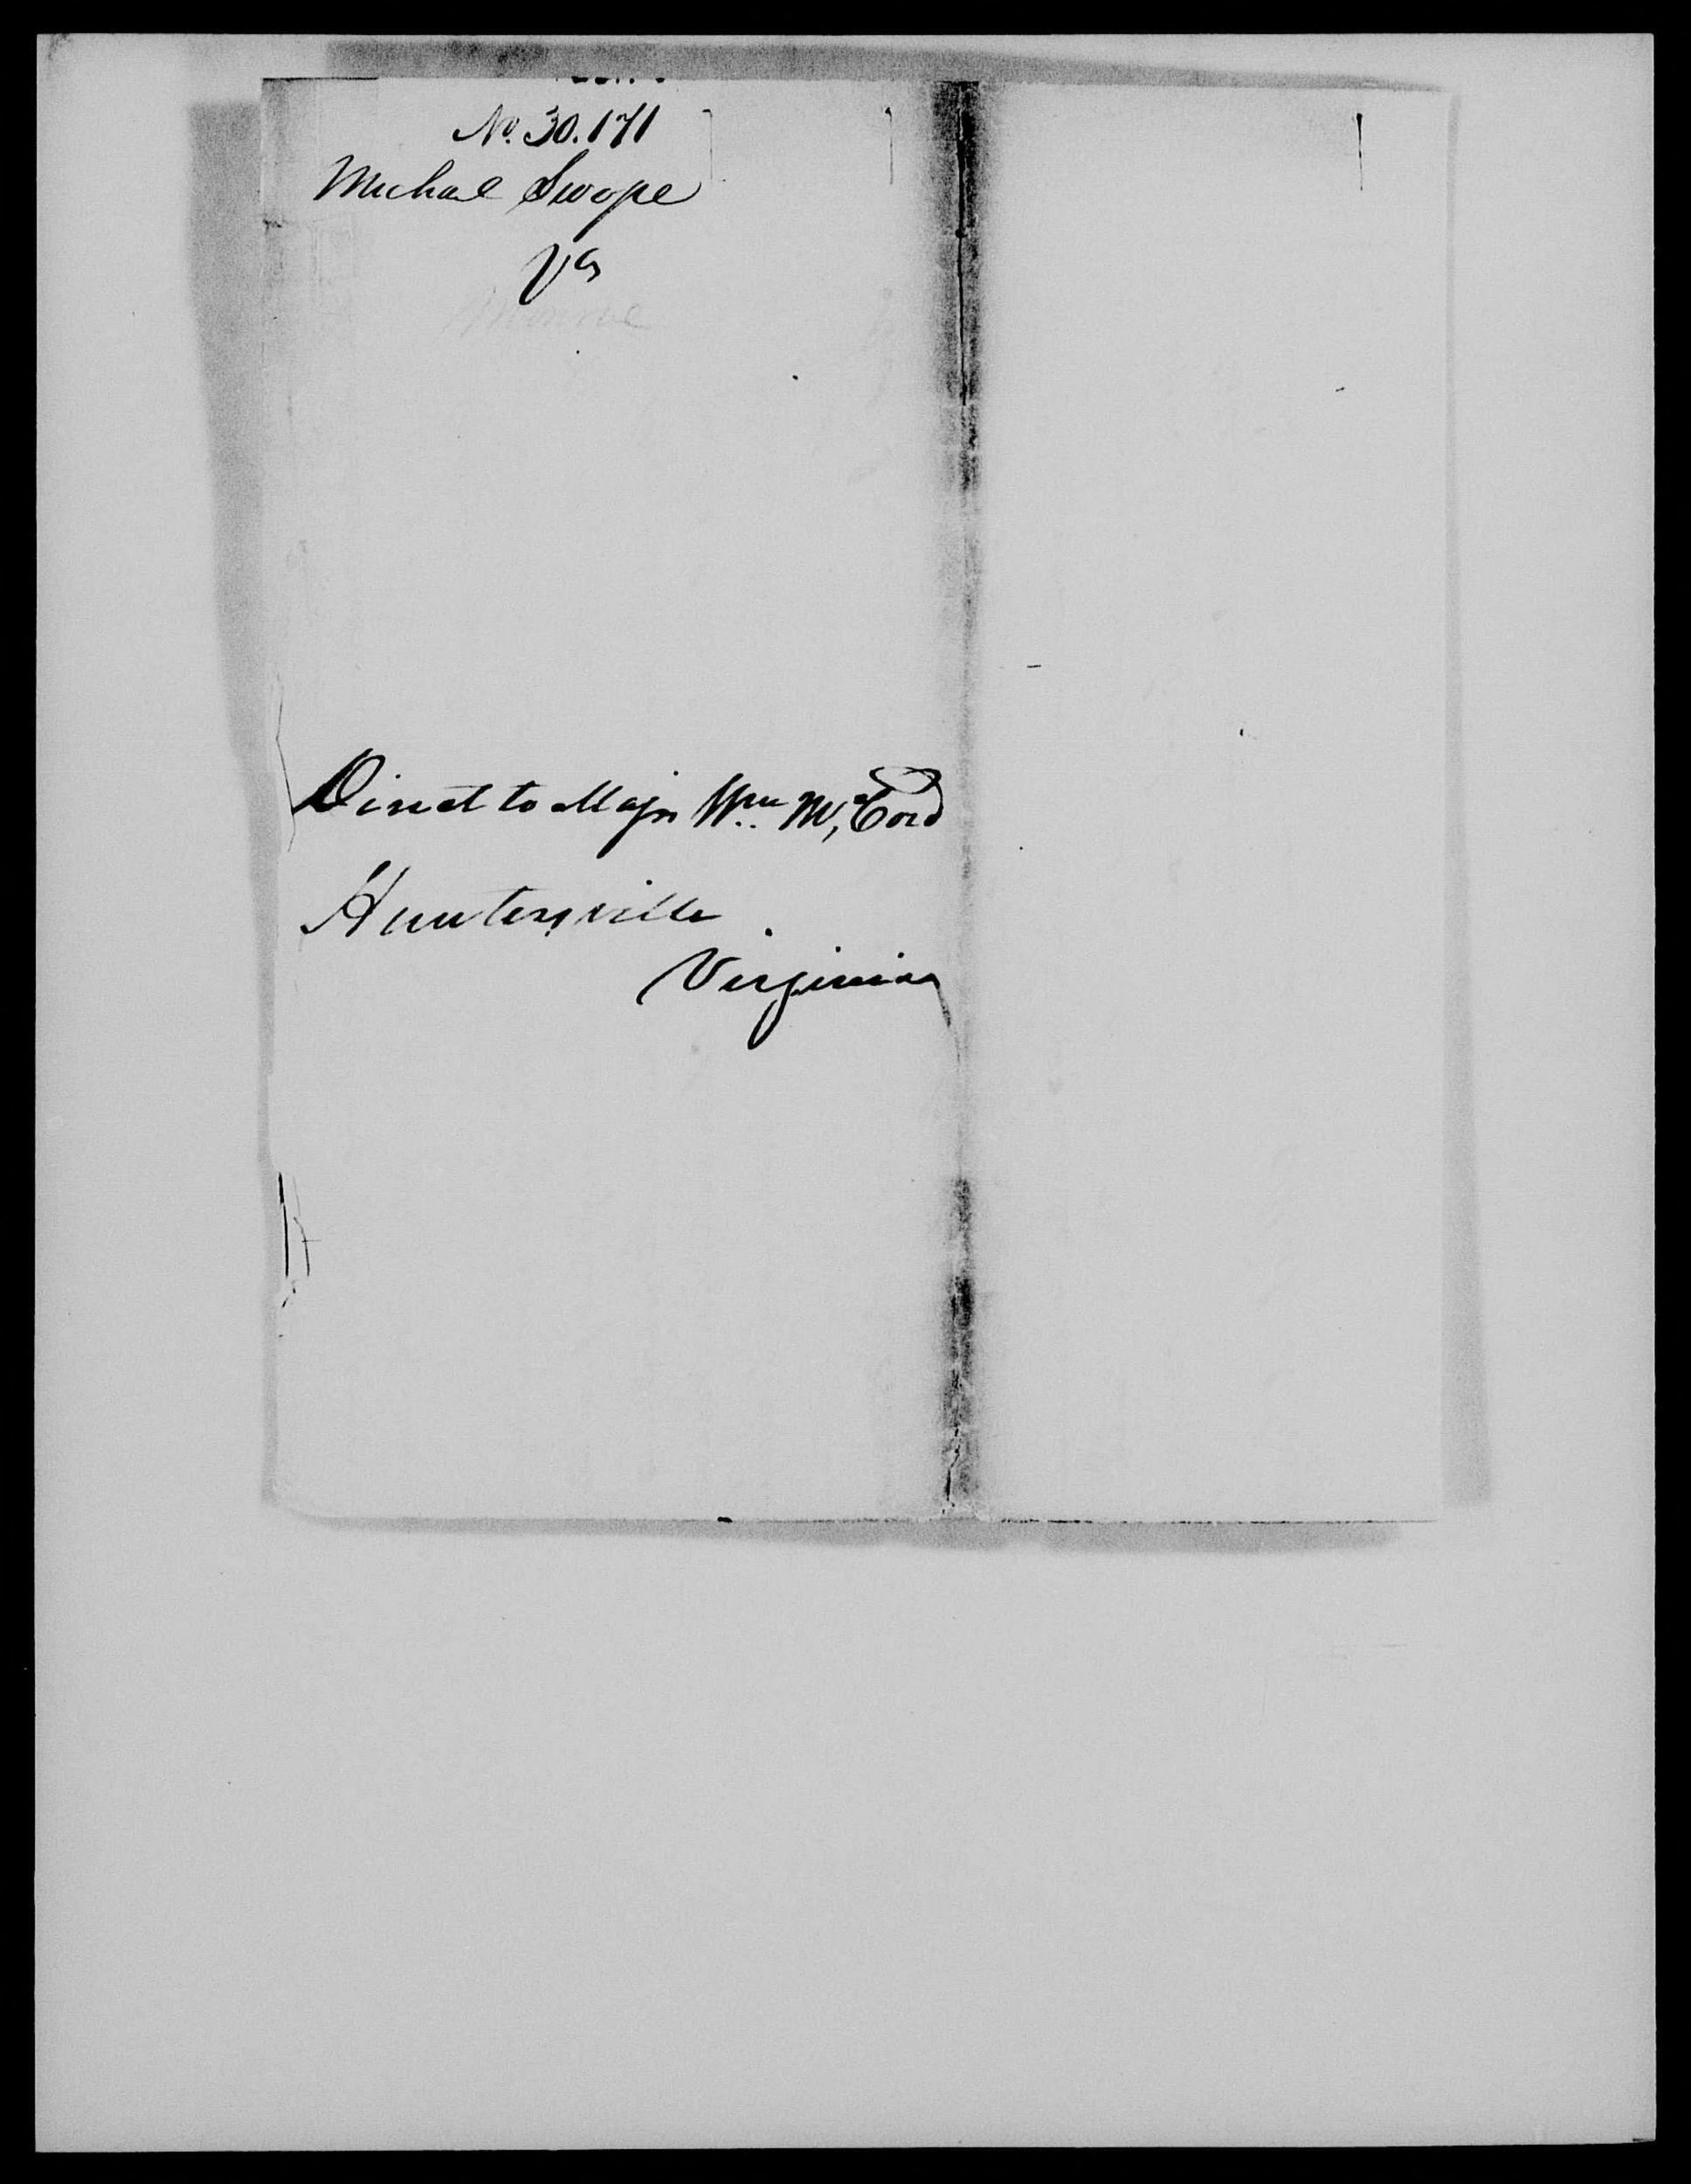NO. 30171
Michael Swope
VA

Dinet to Major Wm Mc Cord
Huntersville, Virginia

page: 2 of 16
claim: rejected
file: R 10366, for Michael Swope, Virginia